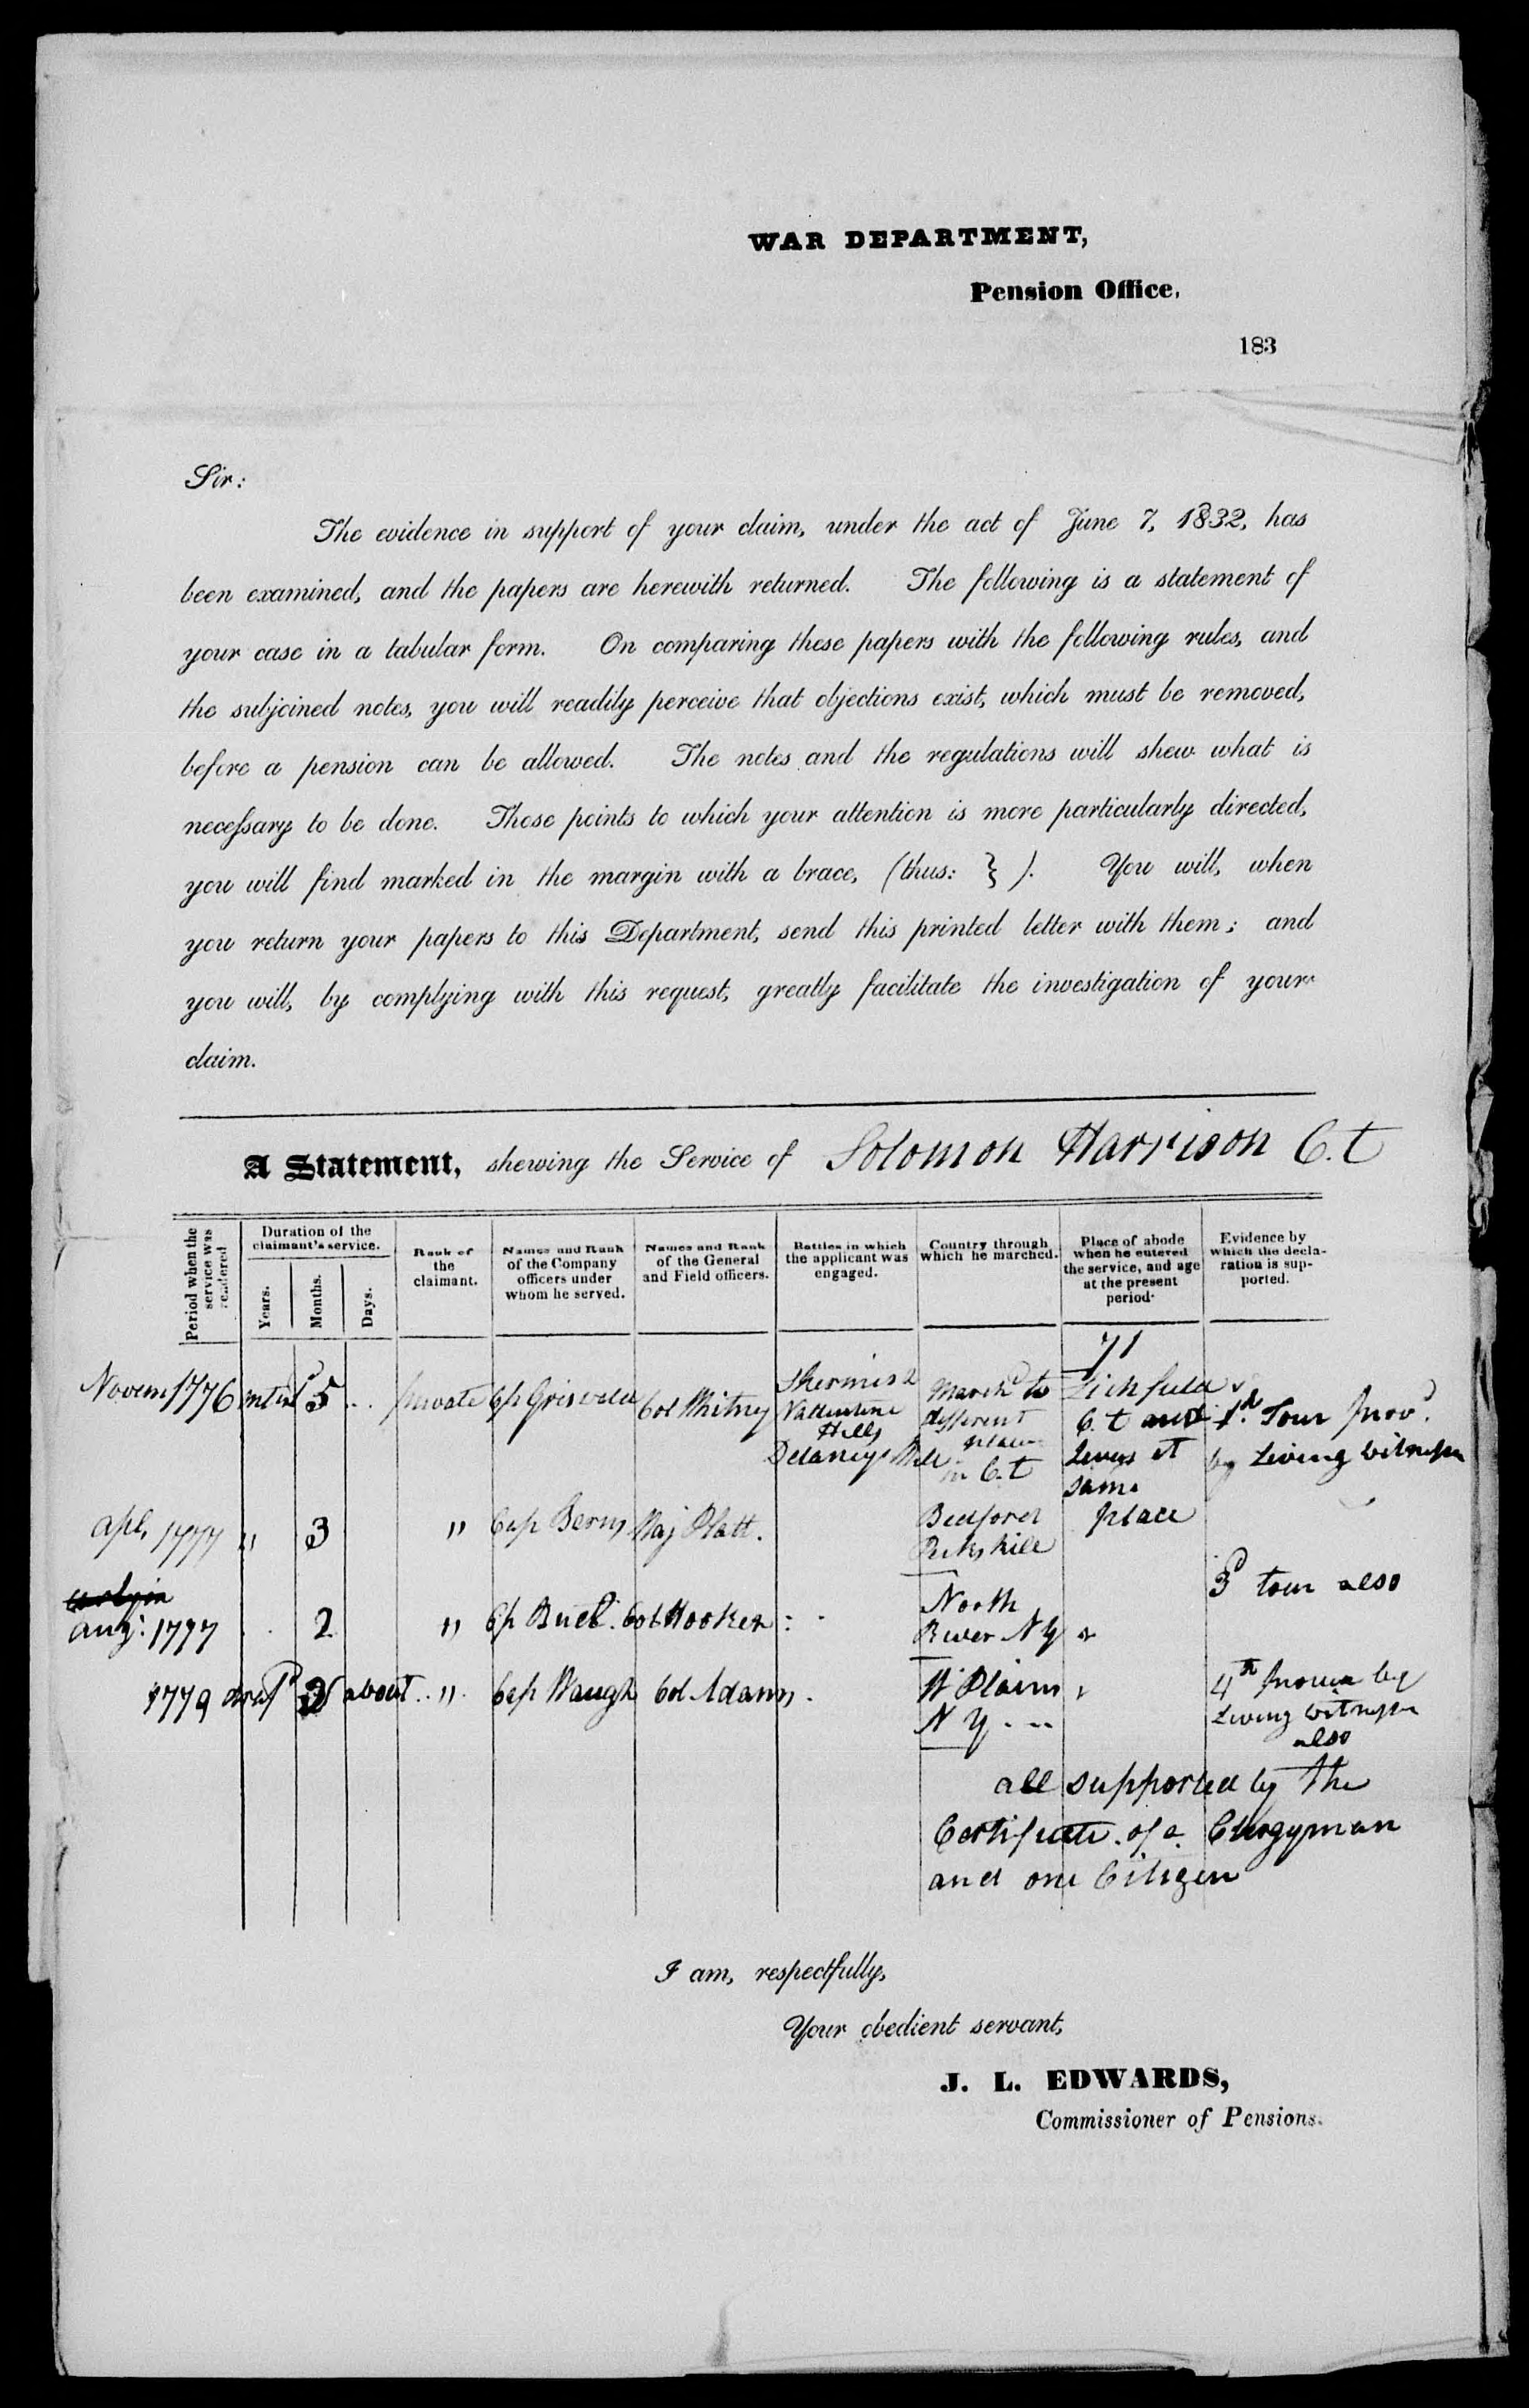WAR DEPARTMENT
Pension Office,
183

Sir:
The evidence in support of your claim, under the act of June 7, 1832, has been examined, and the papers are herewith returned. The following is a statement of your case in a tabular form. On comparing these papers with the following rules, and the subjoined notes, you will readily perceive that objections exist, which must be removed, before a pension can be allowed. The notes and the regulations will show what is necessary to be done. Those points to which your attention is more particularly directed, you will find marked in the margin with a brace, (thus: } ). You will, when you return your papers to this Department, send this printed letter with them; and you will, by complying with this request, greatly facilitate the investigation of your claim.

A Statement, showing the Service of Solomon Harrison Ct.
Period when the service was rendered | Duration of the claimant's service - Years. | Months. | Days. - | Rank of the claimant. | Names and Rank of the Company office under whom he served. | Battles in which the applicant was engaged. | Country through which he marched. | Place of Abode when he entered the service, and age at the present period. | Evidence by which the declaration is supported.

Novem 1776 | | 5 | | Private | Cp Griswold | Col Whiting | Skirmish Valentine Hill, Delaney Mill | March to different places in Ct. | 71 Litchfield Ct and lives at same place | [illegible] tour [illegible] by living witness
Apl. 1777 | | 3 | | " | Cap Berns | Maj Platt | | Bedford, Peekskill | | |
Aug. 1777 | | 2 | | " | Cp Buel | Gen Hooker | | North River, NY | | 3 tour also
1779 | | 3 about | | " | Cap Waugh | Col Adam | | W Plain NY | | 4th [illegible] by Living witness also
All supported by the Certificate of a Clergyman and one Citizen

I am, respectfully,
Your obedient servant,
J. L. EDWARDS,
Commissioner of Pensions.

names: Platt, J L Edwards, Hooker, Buel, Solomon Harrison, Berry, Griswold, Adams, Waugh, Whitny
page: 8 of 22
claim: survivor's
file: S. 16137, Solomon Harrison, Conn.